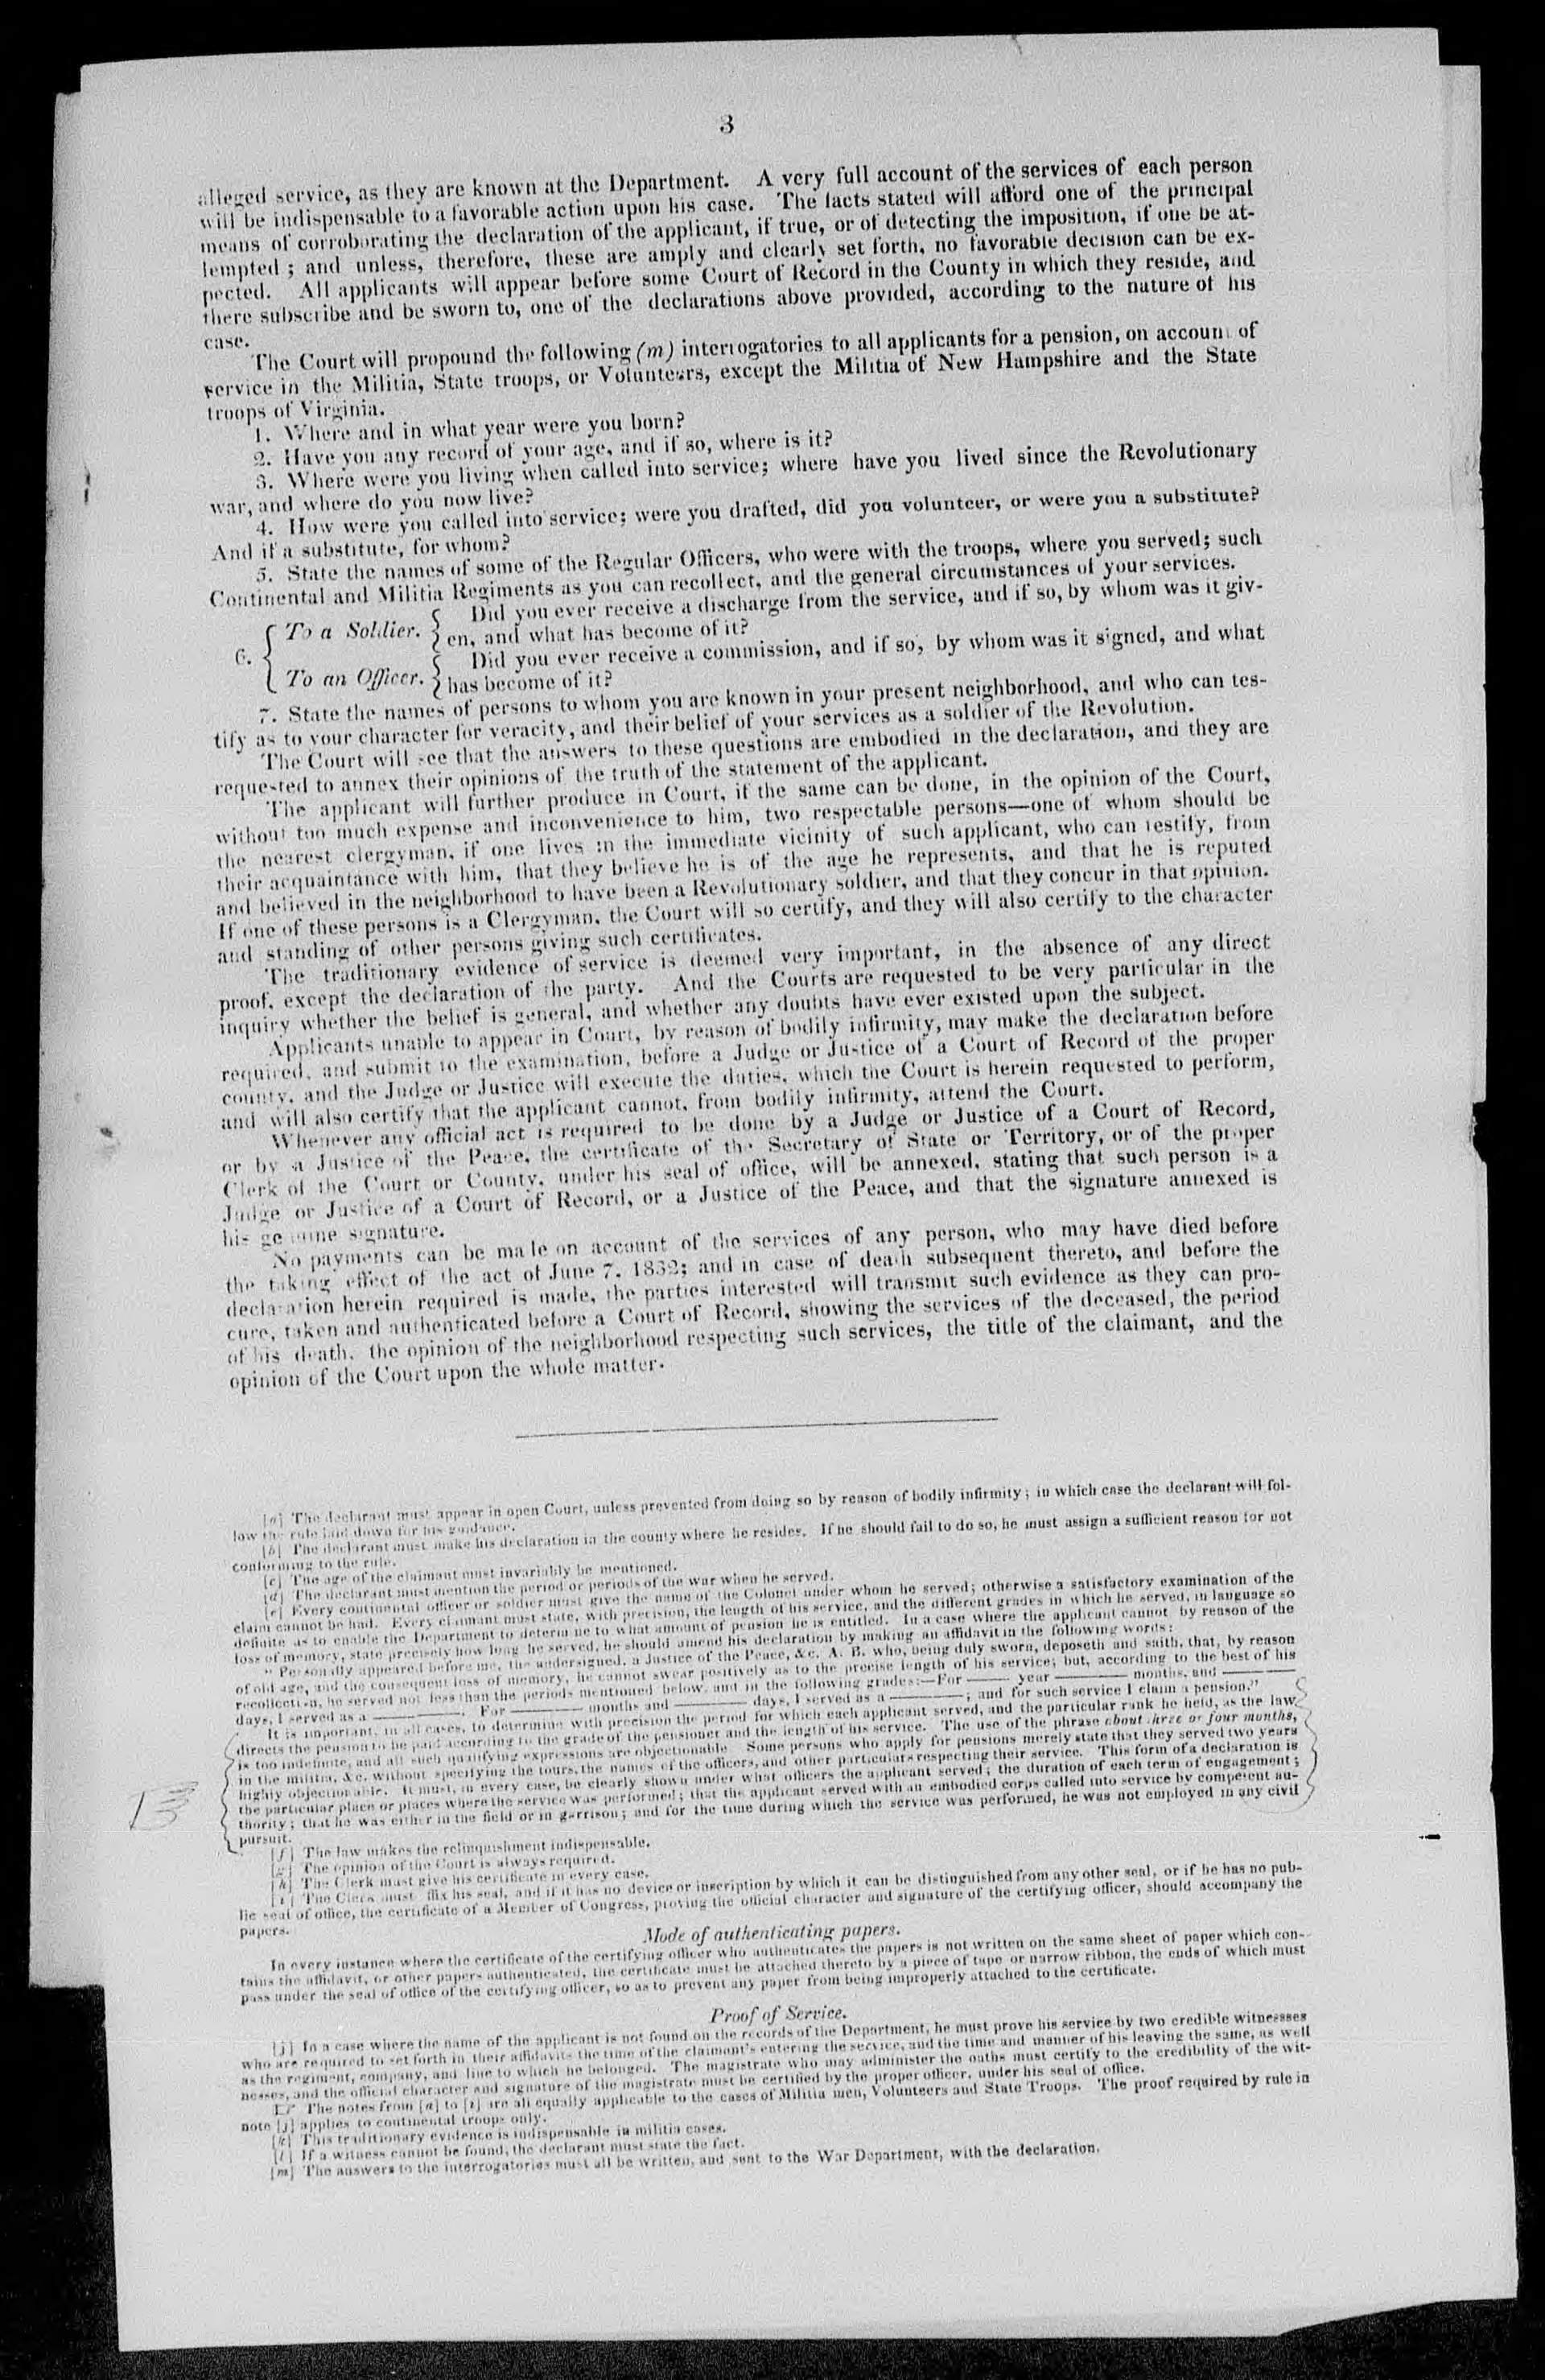3
alleged service, as they are known at the Department. A very full account of the services of each person will be indispensable to a favorable action upon his case. The facts stated will afford one of the principal means of corroborating the declaration of the applicant, if true, or of detecting the imposition, if one be attempted ; and unless, therefore, these are amply and clearly set forth, no favorable decision can be expected
. All applicants will appear before some Court of Record in the County in which they reside, and there subscribe and be sworn to, one of the declarations above provided, according to the nature of his case.
The Court will propound the following (m) interrogatories to all applicants for a pension, on account of service in the Militia, State troops, or Volunteers, except the Militia of New Hampshire and the State troops of Virginia.
1. Where and in what year were you born?
2. Have you any record of your age, and if so, where is it?
Where were you living when called into service; where have you lived since the Revolutionary war , and where do you now live?
4. How were you called into service; were you drafted, did you volunteer, or were you a substitute?
And if a substitute, for whom?
State the names of some of the Regular Officers, who were with the troops, where you served; such Continental and Militia Regiments as you can recollect, and the general circumstances of your services
.
{To a Soldier
Did you ever receive a discharge from the service, and if so, by whom was it given
, and what has become of it?
Did you ever receive a commission, and if so, by whom was it signed, and what To an Officer has become of it?
State the names of persons to whom you are known in your present neighborhood, and who can testify as to your character for veracity, and their belief of your services as a soldier of the Revolution.
The Court will see that the answers to these questions are embodied in the declaration, and they are requested to annex their opinions of the truth of the statement of the applicant.
The applicant will further produce in Court, if the same can be done, in the opinion of the Court, without too much expense and inconvenience to him, two respectable persons--one of whom should be
the nearest clergyman, if one lives in the immediate vicinity of such applicant, who can testify, from their acquaintance with him, that they believe he is of the age he represents, and that he is reputed and believed in the neighborhood to have been a Revolutionary soldier, and that they concur in that opinion.
If one of these persons is a Clergyman, the Court will so certify, and they will also certify to the character and standing of other persons giving such certificates.
The traditionary evidence of service is deemed very important, in the absence of any direct
proof, except the declaration of the party. And the Courts are requested to be very particular in the inquiry whether the beef is general, and whether any doubts have ever existed upon the subject.
Applicants unable to appear in Court, by reason of bodily infirmity, may make the declaration before required, and submit to the examination, before a Judge or Justice of a Court of Record of the proper county, and the Judge or Justice will execute the duties, which the Court is herein requested to perform,
and will also certify that the applicant cannot, from bodily infirmity, attend the Court.
Whenever any official act is required to be done by a Judge or Justice of a Court of Record, or by a Justice of the Peace, the certificate of the Secretary of State or Territory, or of the proper Clerk of the Court or County, under his seal of office, will be annexed, stating that such person is a age or Justice of a Court of Record, or a Justice of the Peace, and that the signature annexed is 
his genuine signature.
No payments can be made on account of the services of any person, who may have died before the taking part of the act of June 7, 1832; and in case of death subsequent thereto, and before the declaration herein required is made, the parties interested will transmit such evidence as they can procure
, taken and authenticated before a Court of Record, showing the services of the deceased, the period of his death, the opinion of the neighborhood respecting such services, the title of the claimant, and the opinion of the Court upon the whole matter
The declarant must appear in open  Court, unless prevented from doing so by reason of bodily infirmity; in which case the declarant with follow the rule laid down for his guidance.
The declarant must  make his declaration in the county where he resides. If he should fail to do so, he must assign a sufficient reason for not conferring to the rule
The age of the claimant must invariably be mentioned. 
The declarant must mention the period or periods of the war when he served.
Every continental officer or soldier must give the name of the colonel  under whom he served otherwise a satisfactory examination of the claim cannot be had.  Every claimant must state with precision  the length of his service, and the different grades in which he served, in  he served .state count it or move me in the new the Colonel under whom he served; language the Department to determine to what amount of pension he entitled. In a case where the applicant cannot by reason of the
of memory, state precise how war he served, he should amend his declaration by making an affidavit in the following words:
the undersigned, a Justice of the Peace, &c. A. B. who, being duly sworn, deposeth and saith, that, by reason sent than the periods mentioned below, and in the following grades:-
months, and in the contents of memory, he cannot swear pony as to the precise length of his service; but, according to the best of his
hands; and for such service I claim a pension."
with precision the period for which each applicant served, and the particular rank he held, as the
the pension on her error in the State of the pensioner and the length of his service. The use of the phrase about three or four months,
and surnames are in same persons who apply for pensions merely state that they served two years
without selling the tours the name of the other, and other patent respecting their service. This form of a declaration is
every case, be clearly shown me when others the applicant served; the duration of each term of engagement
places in the service was performed; that the applicant served with an embodied corps called to service by competent
that in the field or in garrison; and for the time during which the service was performed, he was not employed in any civil
pursuit.
The law makes the relinquishment indispensable.
The opinion of the Court is always required.
The Clerk must give his certificate in every case.
This is his read, and it is no device or inscription by which it can be distinguished from any other sons, or if he has no pubthe
certificate of a Member of Congress, proving the official character and signature of the certifying officer, should accompany the
papers.
Mode of authenticating papers.
In every instance where the certificate of the certifying officer who authenticates the papers is not written on the same sheet of paper which contheria
, or other paper authenticated, the ceruncate must be attached thereto by a piece of tape or narrow ribbon, the ends of which must
under the seal of office of the certifying officer, so as to prevent any paper from being improperly attached to the certificate.
Proof of Service.
tance where the name of the applicant is not found on the records of the Department, he must prove his service by two credible witnesses
herein set forth into the claimants entering these and the time and manner of his leaving the same, as well
the regiment, company, and time to which he belonged. The magistrate who may administer the oaths must certify to the credibility of the witand
the official character and signature of the magistrate must be certified by the proper officer, under his seal of office.
for an equally appeal to the cases of Minia men, Volunteers and State Troops. The proof required by rule in
note applies to continental troops only.
cannot be found, the declarant must state the fact.
The answers to the interrogatories must all be written, and aunt to the War Department, with the declaration.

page: 11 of 37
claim: rejected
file: R. 2516, Moses Crosley, Md.